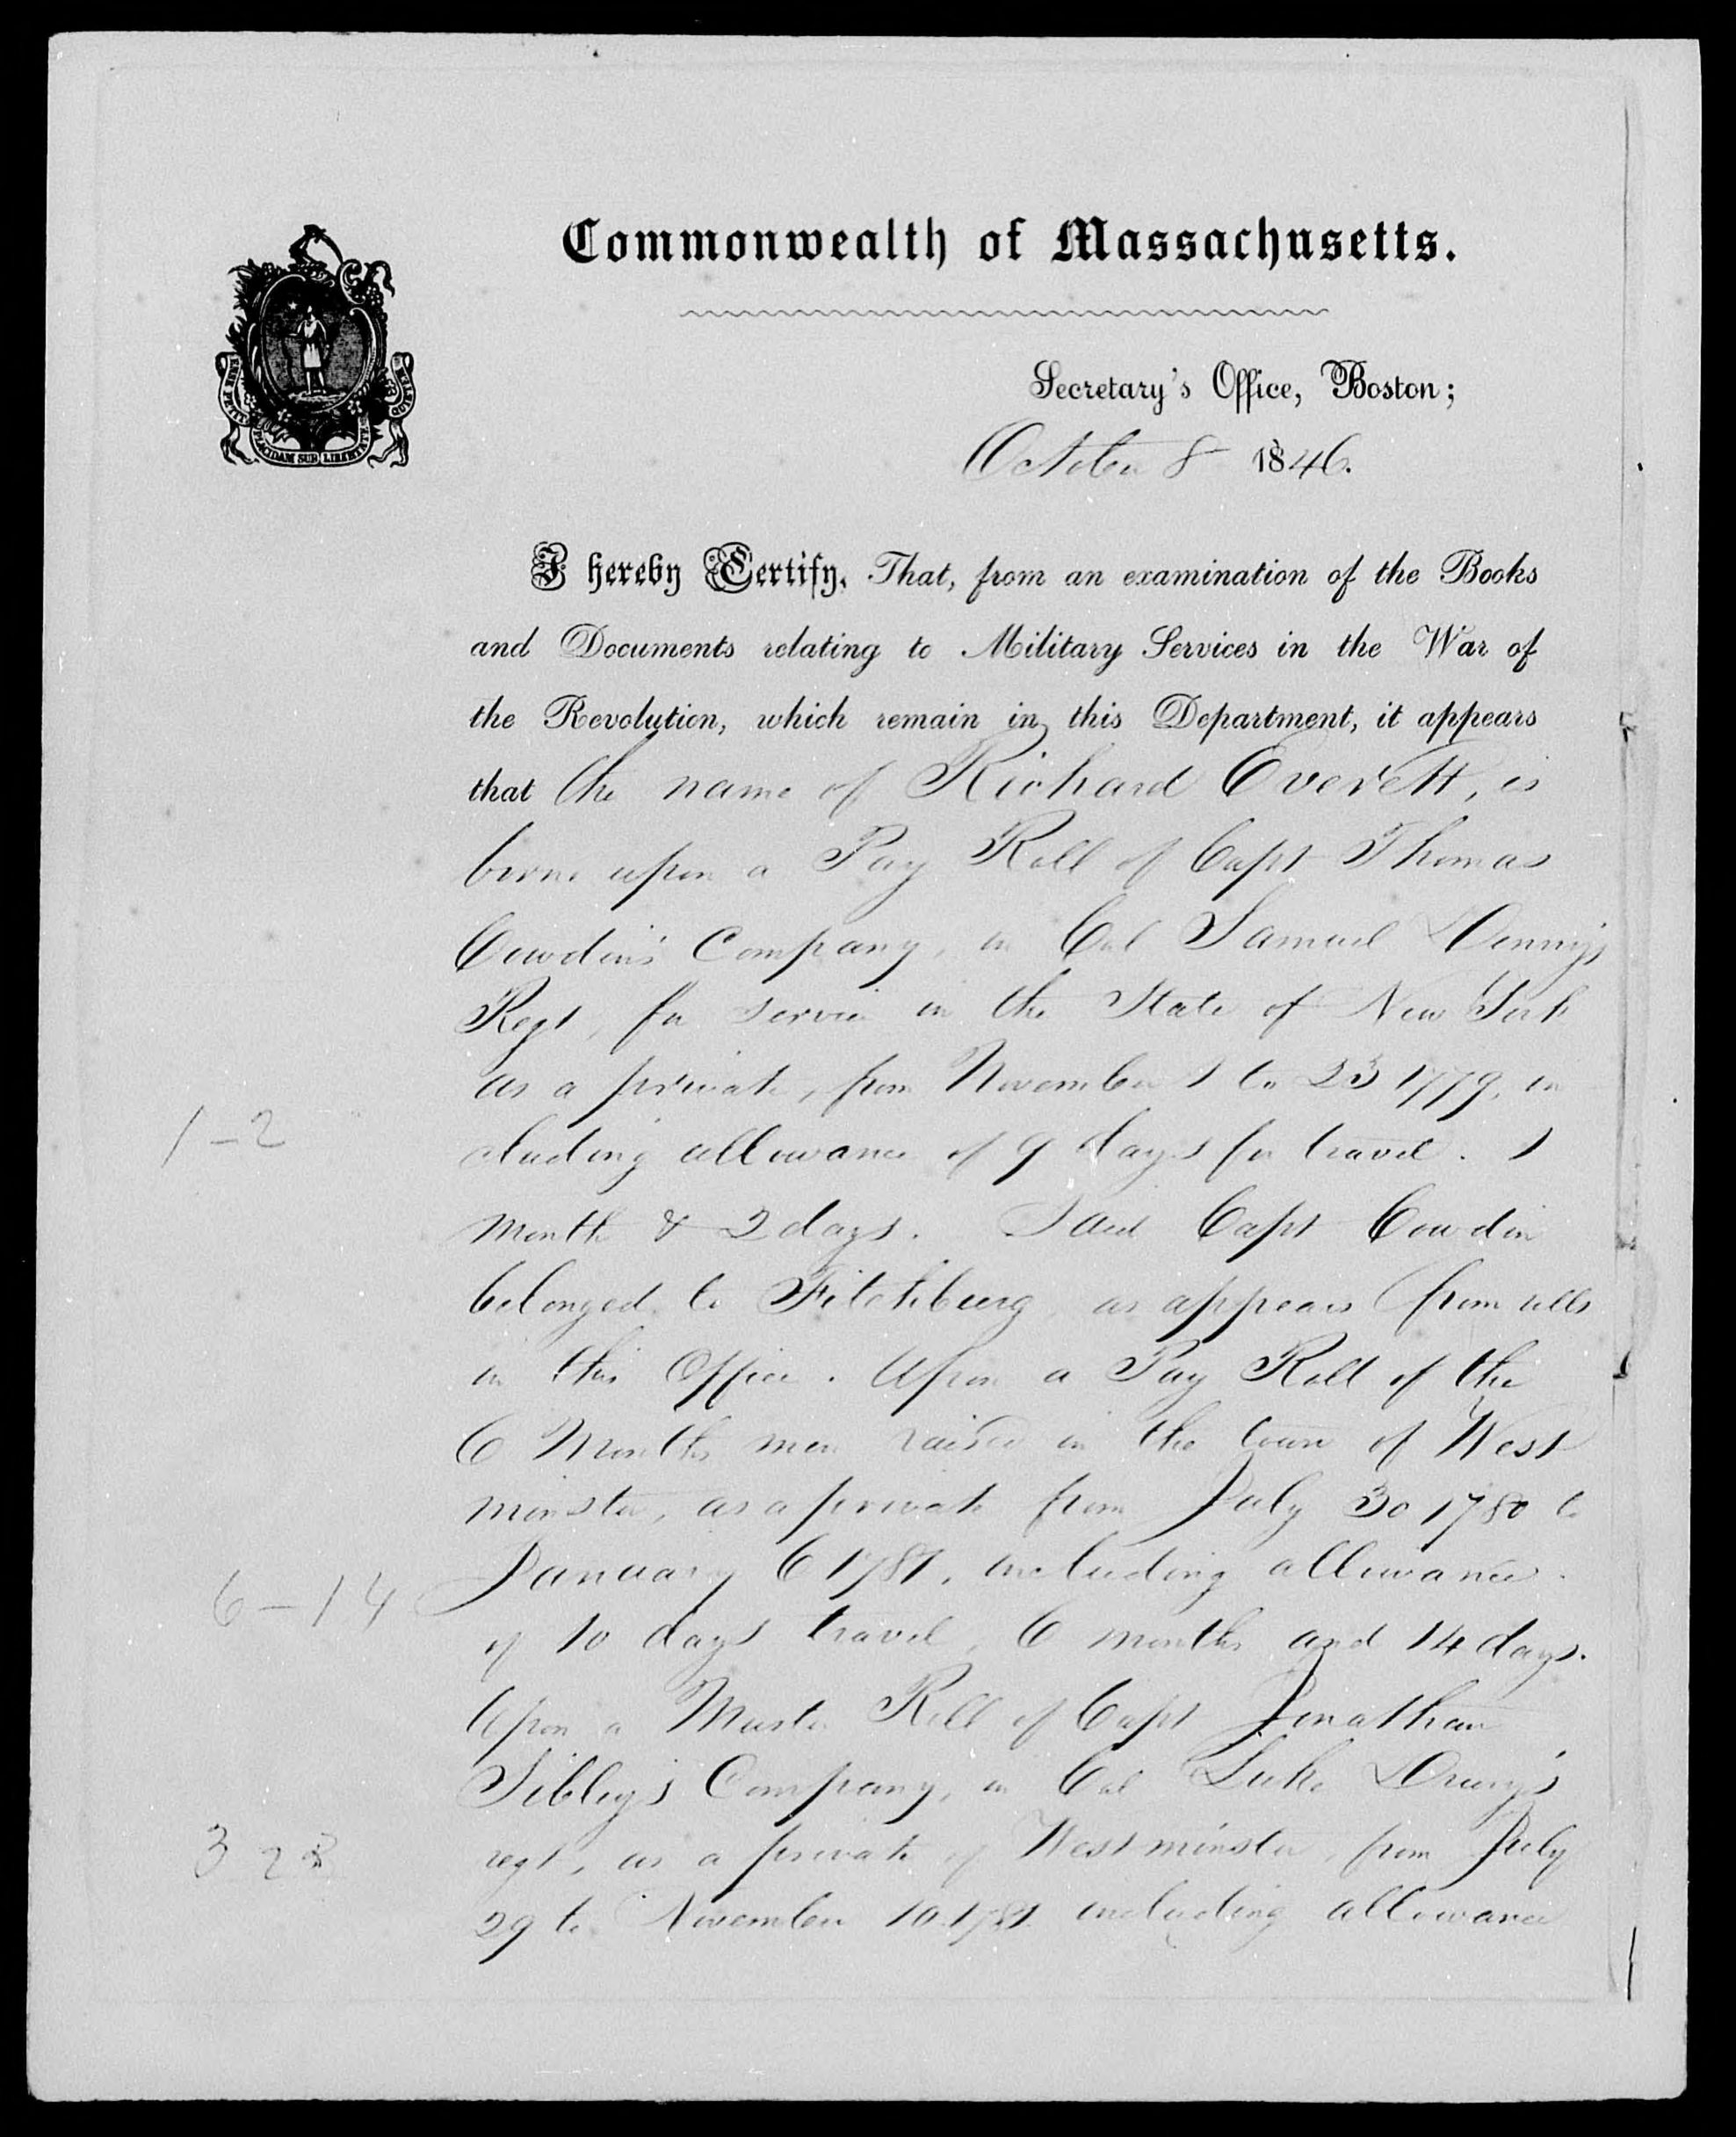Commonwealth of Massachusetts.
Secretary's Office, Boston;
October 8 1846.
I hereby Certify, That, from an examination of the Books and Documents relating to Military Services in the War of the Revolution, which remain in this Department, it appears that the name of Richard Everett, is borne upon a Pay Roll of Capt Thomas Cowdin's Company in Col Samuel Denny's Regt. for service in the State of New York as a private, from November 1 to 23 1779 including allowance of 9 days for travel, 1 month & 2 days, Said Capt Cowdin belonged to Fitchburg as appears from rolls in this office. Upon a Pay Roll of the 6 Months men raised in the town of Westminster, as a private from July 30 1780 to January 6 1781, including allowance of 10 days travel, 6 months and 14 days. Upon a Muster Roll of Capt Jonathan Sibley's Company, in Col Luke Drury's regt, as a private of Westminster from July 29 to November 10 1781 including allowance
[in margin, line 9: 1-2]
[in margin, line 15: 6-14]
[in margin, line 19: 3 2 R]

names: Cowdin, Richard Everett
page: 45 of 59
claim: widow's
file: W. 23017, Richard Clair Everett, Mass.